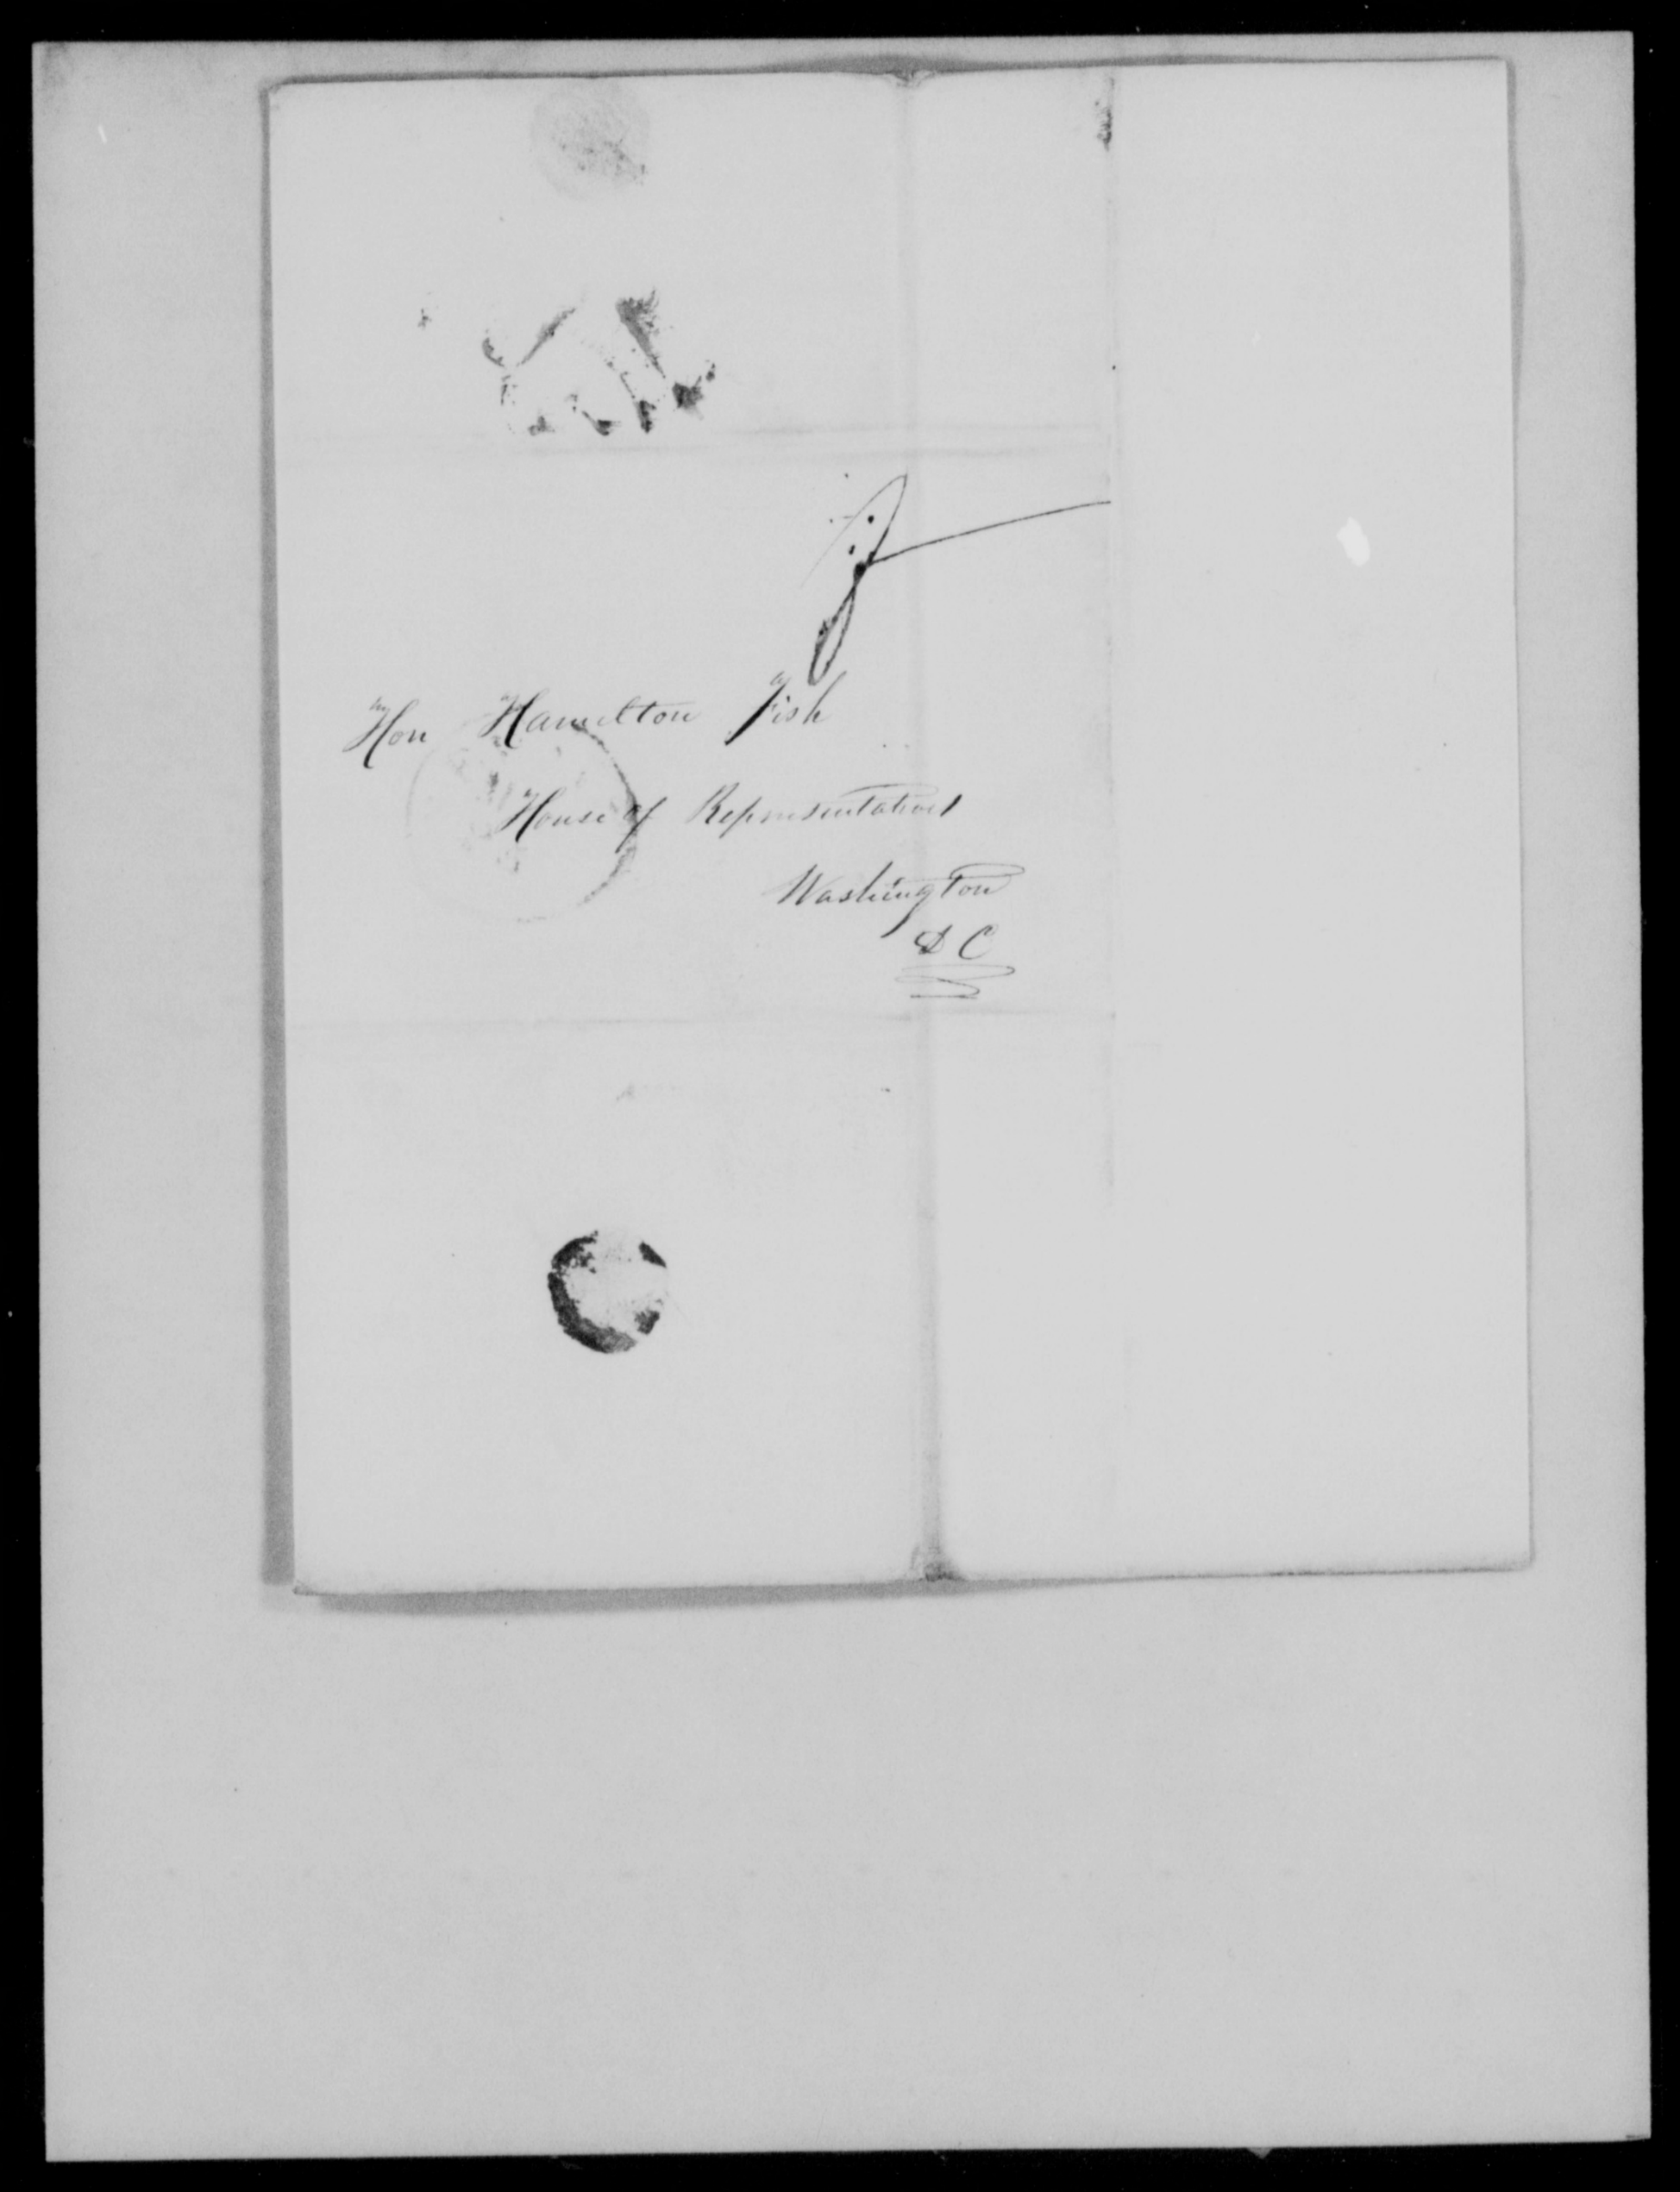Hon Hamilton Fish
House of Representatives
Washington DC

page: 28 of 101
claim: widow's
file: W. 25481, for Peter V Tilyou, New Jersey